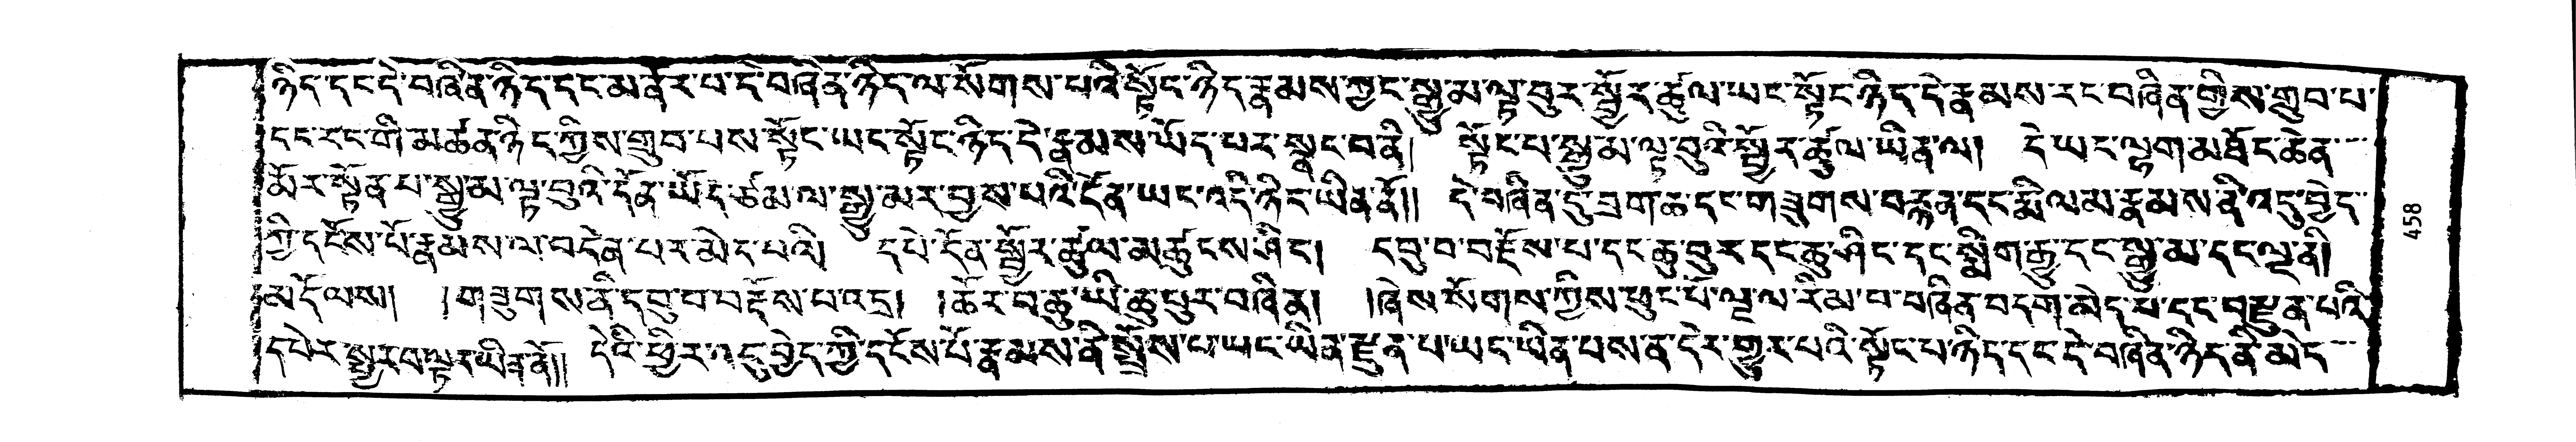ཉིད་དང་དེ་བཞིན་ཉིད་དང་མ་ནོར་པ་དེ་བཞིན་ཉིད་ལ་སོགས་པའི་སྟོང་ཉིད་རྣམས་ཀྱང་སྒྱུ་མ་ལྟ་བུར་སྦྱོར་ཚུལ་ཡང་སྟོང་ཉིད་དེ་རྣམས་རང་བཞིན་གྱིས་གྲུབ་པ་
དང་རང་གི་མཚན་ཉིད་ཀྱིས་གྲུབ་པས་སྟོང་ཡང་སྟོང་ཉིད་དེ་རྣམས་ཡོད་པར་སྣང་བ་ནི། སྟོང་པ་སྒྱུ་མ་ལྟ་བུའི་སྦྱོར་ཚུལ་ཡིན་ལ། དེ་ཡང་ལྷག་མཐོང་ཆེན་
མོར་སྟོན་པ་སྒྱུ་མ་ལྟ་བུའི་དོན་ཡོད་ཙམ་ལ་སྒྱུ་མར་བྱས་པའི་དོན་ཡང་འདི་ཉིད་ཡིན་ནོ། །དེ་བཞིན་དུ་བྲག་ཆ་དང་གཟུགས་བརྙན་དང་རྨི་ལམ་རྣམས་ནི་འདུ་བྱེད་
ཀྱི་དངོས་པོ་རྣམས་ལ་བདེན་པར་མེད་པའི། དཔེ་དོན་སྦྱོར་ཚུལ་མཚུངས་ཤིང་། དབུ་བ་བརྡོས་པ་དང་ཆུ་བུར་དང་ཆུ་ཤིང་དང་སྨིག་རྒྱུ་དང་སྒྱུ་མ་དང་ལྔ་ནི།
མདོ་ལས། །གཟུགས་ནི་དབུ་བ་བརྡོས་པ་འདྲ། །ཆོར་བ་ཆུ་ཡི་ཆུ་པུར་བཞིན། །ཞེས་སོགས་ཀྱིས་ཕུང་པོ་ལྔ་ལ་རིམ་པ་བཞིན་བདག་མེད་པ་དང་བརྫུན་པའི་
དཔེར་སྤྱར་བ་ལྟར་ཡིན་ནོ། །དེའི་ཕྱིར་འདུ་བྱེད་ཀྱི་དངོས་པོ་རྣམས་ནི་སྤྲོས་པ་ཡང་ཡིན་རྫུན་པ་ཡང་ཡིན་པས་ན་དེར་གྱུར་པའི་སྟོང་པ་ཉིད་དང་དེ་བཞིན་ཉིད་ནི་མེད་